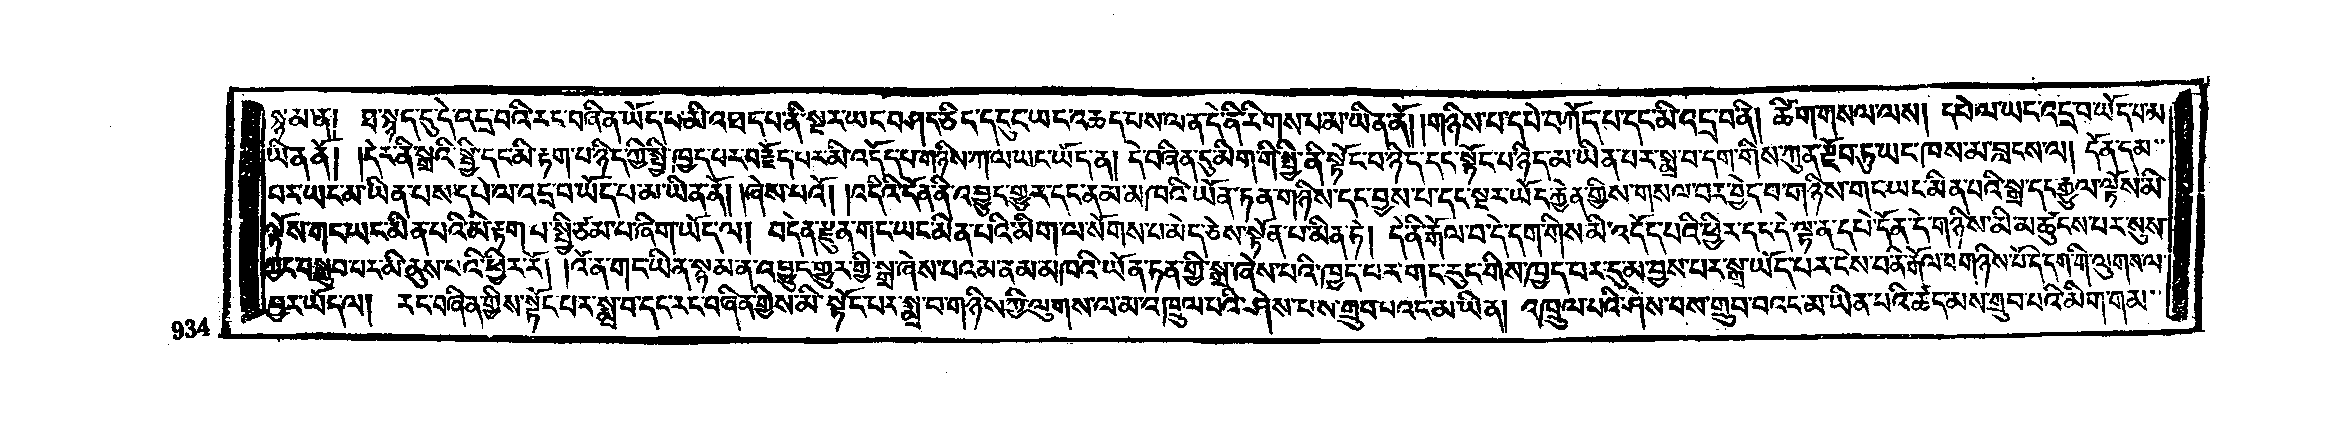སྙམ་ན། ཐ་སྙད་དུ་དེ་འདྲ་བའི་རང་བཞིན་ཡོད་པ་མི་འཐད་པ་ནི་སྔར་ཡང་བཤད་ཅིང་ད་དུང་ཡང་འཆད་པས་ལན་དེ་ནི་རིགས་པ་མ་ཡིན་ནོ། །གཉིས་པ་དབེ་བཀོད་པ་དང་མི་འདྲ་བ་ནི། ཚིག་གསལ་ལས། དཔེ་ལ་ཡང་འདྲ་བ་ཡོད་པ་མ་
ཡིན་ནོ། །དེར་ནི་སྒྲའི་སྤྱི་དང་མི་རྟག་པ་ཉིད་ཀྱི་སྤྱི་ཁྱད་པར་བརྗོད་པར་མི་འདོད་པ་གཉིས་ཀ་ལ་ཡང་ཡོད་ན། དེ་བཞིན་དུ་མིག་གི་སྤྱི་ནི་སྟོང་པ་ཉིད་དང་སྟོང་པ་ཉིད་མ་ཡིན་པར་སྨྲ་བ་དག་གིས་ཀུན་རྫོབ་ཏུ་ཡང་ཁས་མ་བླངས་ལ། དོན་དམ་
པར་ཡང་མ་ཡིན་པས་དཔེ་ལ་འདྲ་བ་ཡོད་པ་མ་ཡིན་ནོ། །ཞེས་པའོ། །འདིའི་དོན་ནི་འབྱུང་གྱུར་དང་ནམ་མཁའི་ཡོན་ཏན་གཉིས་དང་བྱས་པ་དང་སྔར་ཡོད་རྐྱེན་གྱིས་གསལ་བར་བྱེད་པ་གཉིས་གང་ཡང་མིན་པའི་སྒྲ་དང་རྒྱུ་ལ་ལྟོས་མི་
ལྟོས་གང་ཡང་མིན་པའི་མི་རྟག་པ་སྤྱི་ཙམ་པ་ཞིག་ཡོད་ལ། བདེན་རྫུན་གང་ཡང་མིན་པའི་མིག་ལ་སོགས་པ་མེད་ཅེས་སྟོན་པ་མིན་ཏེ། དེ་ནི་རྒོལ་བ་དེ་དག་གིས་མི་འདོད་པའི་ཕྱིར་དང་དེ་ལྟ་ན་དཔེ་དོན་དེ་གཉིས་མི་མཚུངས་པར་སུས་
ཀྱང་བསྒྲུབ་པར་མི་ནུས་པའི་ཕྱིར་རོ། །འོ་ན་གང་ཡིན་སྙམ་ན་འབྱུང་གྱུར་གྱི་སྒྲ་ཞེས་པའམ་ནམ་མཁའི་ཡོན་ཏན་གྱི་སྒྲ་ཞེས་པའི་ཁྱད་པར་གང་རུང་གིས་ཁྱད་པར་དུ་མ་བྱས་པར་སྒྲ་ཡོད་པར་ངེས་པ་ནི་རྒོལ་བ་གཉིས་པོ་དེ་དག་གི་ལུགས་ལ་
བྱར་ཡོད་ལ། རང་བཞིན་གྱིས་སྟོང་པར་སྨྲ་བ་དང་རང་བཞིན་གྱིས་མི་སྟོང་པར་སྨྲ་བ་གཉིས་ཀྱི་ལུགས་ལ་མ་འཁྲུལ་བའི་ཤེས་པས་གྲུབ་པའང་མ་ཡིན། འཁྲུལ་བའི་ཤེས་པས་གྲུབ་པའང་མ་ཡིན་པའི་ཚད་མས་གྲུབ་པའི་མིག་གམ་